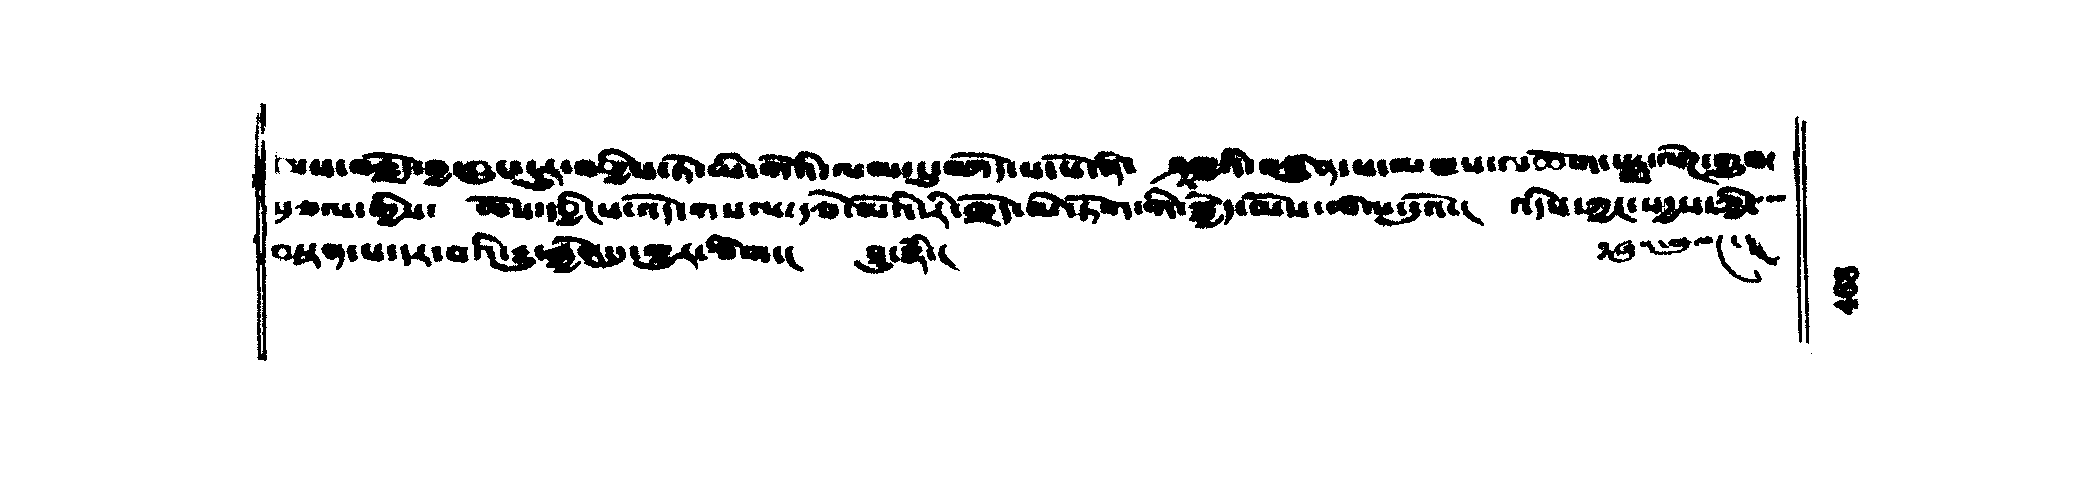ལས་བརྗོད་བྱ་ཉུང་ངུར་བགྱིས་ཏེ་ཡི་གེའི་ལམ་དུ་འགོད་པ་པོ་ནི། ཤཱཀྱའི་བཙུན་པ་མཁས་མཆོག་པདྨ་ལེགས་གྲུབ་
རྩལ་གྱིས་ཆོས་དབྱིངས་འོད་གསལ་རྩེ་མོའི་རི་ཁྲོད་མེ་ཏོག་གི་སྐྱེད་མོས་ཚལ་དུའོ།། འདིས་ཀྱང་སངས་རྒྱས་ཀྱི་
བསྟན་པ་དར་བའི་རྒྱུ་རྐྱེན་དུ་གྱུར་ཅིག ཤུ་བྷཾ།།